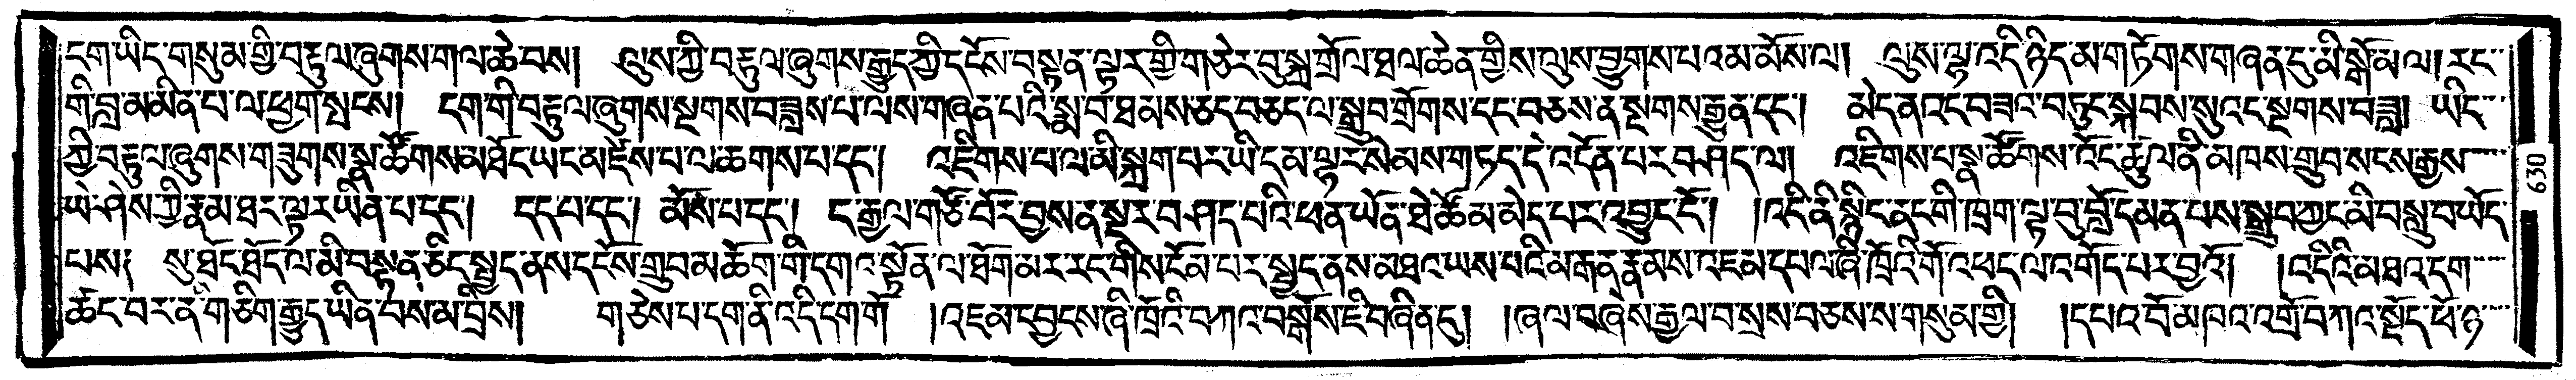ངག་ཡིད་གསུམ་གྱི་བརྟུལ་ཞུགས་གལ་ཆེ་བས། ལུས་ཀྱི་བརྟུལ་ཞུགས་རྒྱུད་ཀྱི་དངོས་བསྟན་ལྟར་གྱི་གཅེར་བུ་སྐྲ་གྲོལ་ཐལ་ཆེན་གྱིས་ལུས་བྱུགས་པའམ་མོས་ལ། ལུས་ལྷ་འདི་ཉིད་མ་གཏོགས་གཞན་དུ་མི་སྒོམ་ལ། རང་
གི་བླ་མ་མིན་པ་ལ་ཕྱག་སྤངས། དག་གི་བརྟུལ་ཞུགས་སྔགས་བཟླས་པ་ལས་གཞན་པའི་སྨ་བ་ཐམས་ཅད་བཅད་ལ་སྒྲུབ་གྲོགས་དང་བཅས་ན་སྔགས་རྒྱུན་དང་། མེད་ནའང་བཟའ་བཏུང་སྐབས་སུའང་སྔགས་བཟླ། ཡིད་
ཀྱི་བརྟུལ་ཞུགས་གཟུགས་སྣ་ཚོགས་མཐོང་ཡང་མཛེས་པ་ལ་ཆགས་པ་དང་། འཇིགས་པ་ལ་མི་སྐྲག་པར་ཡི་དམ་ལྷར་སེམས་གཏད་དེ་འདོན་པར་བཤད་ལ། འཇིགས་པ་སྣ་ཚོགས་འོང་ཚུལ་ནི་མཁས་གྲུབ་སངས་རྒྱས་
ཡེ་ཤེས་ཀྱི་རྣམ་ཐར་ལྟར་ཡིན་པ་དང་། དད་པ་དང་། མོས་པ་དང་། ང་རྒྱལ་གཙོ་བོར་བྱས་ན་སྔར་བཤད་པའི་ཕན་ཡོན་ཐེ་ཚོམ་མེད་པར་འབྱུང་ངོ། །འདི་ནི་སྙིང་ནང་གི་ཁྲག་ལྟ་བུ་བློ་དམན་པས་སྒྲུབ་ཀྱང་མི་བསླུ་བ་ཡོད་
པས༑ སུ་ཐོང་ཐོང་ལ་མི་བསྟན་ཅིང་སྦྱད་ནས་དངོས་གྲུབ་མཆོག་གི་དགའ་སྟོན་ལ་ཐོག་མར་རང་གིས་ངོམ་པར་སྤྱད་ནས་མཐའ་ཡས་པའི་མྲྒན་རྣམས་འཇམ་དཔལ་ཞི་ཁྲོའི་གོ་འཕང་ལ་འགོད་པར་བྱའོ། །འདིའི་མཐའ་དག་
ཚང་བར་ནི་གཅིག་རྒྱུད་ཡིན་པས་མ་བྲིས། གཅེས་པ་དག་ནི་འདི་དག་གོ །འཇམ་དབྱངས་ཞི་ཁྲོའི་བཀའ་བསྒོས་ཇི་བཞིན་དུ། །ཞལ་བཞེས་རྒྱལ་བ་སྲས་བཅས་ས་གསུམ་གྱི། །དཔའ་བོ་མཁའ་འགྲོ་བཀའ་སྡོད་ཕོ་ཉ་